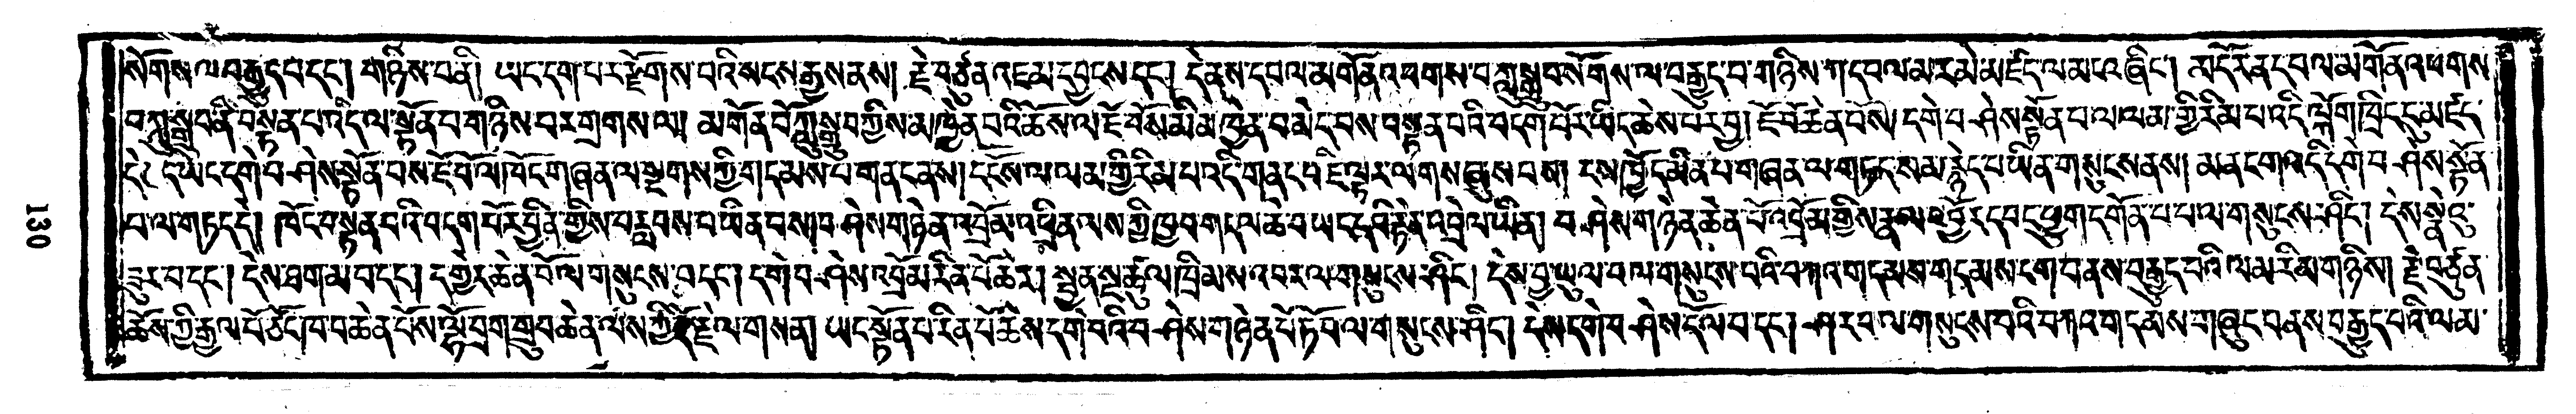སོགས་ལ་བརྒྱུད་པ་དང་། གཉིས་པ་ནི། ཡང་དག་པར་རྫོགས་པའི་སངས་རྒྱས་ནས། རྗེ་བཙུན་འཇམ་དབྱངས་དང་། དེ་ནས་དཔལ་མགོན་འཕགས་བ་ཀླུ་སྒྲུབ་སོགས་ལ་བརྒྱུད་བ་གཉིས་ཀ་དཔལ་མར་མེ་མཛད་ལ་མངའ་ཞིང་། མདོར་ན་དཔལ་མགོན་འཕགས་
བཀླུ་སྒྲུབ་ནི་བསྟན་པ་འདི་ལ་སྟོན་པ་གཉིས་པར་གྲགས་ལ། མགོན་བོ་ཀླུ་སྒྲུབ་ཀྱིས་མཁྱེན་བའི་ཆོས་ལ་ཇོ་བོས་མི་མཁྱེན་པ་མེད་པས་བསྟན་པའི་བདག་པོར་ཡིད་ཆེས་པར་བྱ། ཇོ་བོ་ཆེན་པོས། དགེ་བཤེས་སྟོན་པ་ལ་ལམ་གྱི་རིམ་པ་འདི་ཀློག་ཁྲིད་དུ་མཛད་
དེ༑ དེ་ཡང་དགེ་བ་ཤེས་སྟོན་པས་ཇོ་བོ་ལ་ཁོང་གཞན་ལ་སྔགས་ཀྱི་གདམས་པ་གནང་ནས། དངོས་ལ་ལམ་གྱི་རིམ་པ་འདི་གནང་ལ་ཇི་ལྟར་ལགས་ཞུས་པས། ངས་ཁྱོད་མིན་པ་གཞན་ལ་གཏད་སམ་རྙེད་པ་ཡིན་གསུངས་ནས། མན་ངག་འདི་དགེ་བཤེས་སྟོན་
བ་ལ་གཏད་དེ། ཁོང་བསྟན་བའི་བདག་པོར་བྱིན་གྱིས་བརླབས་པ་ཡིན་བས། བཤེས་གཉེན་འབྲོམ་འཕྲིན་ལས་ཀྱི་ཁྱབ་གདལ་ཆེ་བ་ཡང་དའི་རྟེན་འབྲེལ་ཡིན། བཤེས་གཉེན་ཆེན་པོ་འབྲོམ་གྱིས་རྣལ་འབྱོར་དབང་ཕྱུག་དགོན་པ་པ་ལ་གསུངས་ཤིང་། དེས་སྣེའུ་
ཟུར་བ་དང་། དེས་ཐག་མ་བ་དང་། དགྱེར་ཆེན་པོ་ལ་གསུངས་བ་དང་། དགེ་བ་ཤེས་འབྲོམ་རིན་པོ་ཆེར། སྦྱན་སྔ་ཚུལ་ཁྲིམས་འབར་ལ་གསུངས་ཤིང་། དེས་བྱ་ཡུལ་བ་ལ་གསུངས་པའི་བཀའ་གདམས་གདམས་ངག་བ་ནས་བརྒྱུད་པའི་ལམ་རིམ་གཉིས། རྗེ་བཙུན་
ཆོས་ཀྱི་རྒྱལ་པོ་ཙོང་ཁ་བ་ཆེན་པོས་ལྷོ་བྲག་གྲུབ་ཆེན་ལས་ཀྱི་རྡོ་རྗེ་ལ་གསན། ཡང་སྟོན་པ་རིན་པོ་ཆེས་དགེ་བའི་བཤེས་གཉེན་པོ་ཐོབ་ལ་གསུངས་ཤིང་། དེས་དགེ་བཤེས་དོལ་བ་དང་། ཤར་བ་ལ་གསུངས་བའི་བཀའ་གདམས་གཞུང་བ་ནས་བརྒྱུད་པའི་ལ་